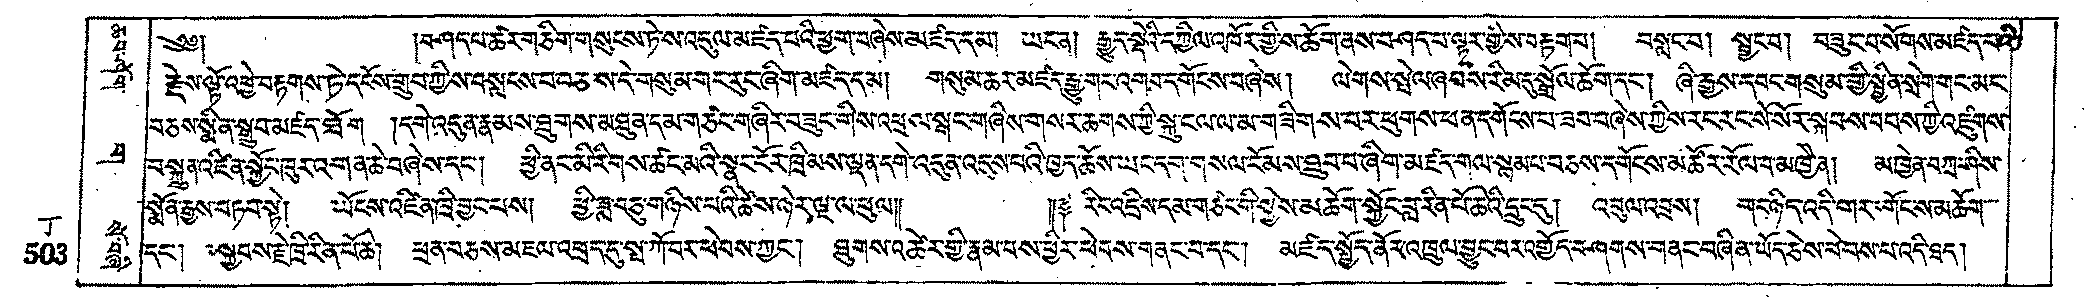༄༅། །བཤད་པ་ཚར་གཅིག་གསུངས་ཏེ་ས་འདུལ་མཛད་པའི་ཕྱག་བཞེས་མཛད་དམ། ཡང་ན། རྒྱུད་སྡེའི་དཀྱིལ་འཁོར་གྱི་ས་ཆོག་ནས་བཤད་པ་ལྟར་གྱི་ས་བརྟག་པ། བསླང་བ། སྦྱང་བ། བཟུང་བ་སོགས་མཛད་པའི་
རྗེས་ལྟོ་འཕྱེ་བརྟགས་ཏེ་དངོས་གྲུབ་ཀྱི་ས་བསླངས་བ་བཅས་དེ་གསུམ་གང་རུང་ཞིག་མཛད་དམ། གསུམ་ཆར་མཛད་རྒྱུ་གང་འགབ་དགོངས་བཞེས། ལེགས་སྤེལ་ཞབས་རིམ་དུ་སྒྲོལ་ཆོག་དང་། ཞི་རྒྱས་དབང་གསུམ་གྱི་སྦྱིན་སྲེག་གང་མང་
བཅས་སྨིན་སྒྲུབ་མཛད་ཐོག །དགེ་འདུན་རྣམས་ཐུགས་མཐུན་དམ་གཙང་གཞིར་བཟུང་གིས་འཕྲལ་སྒང་གཞིས་གསར་ཆགས་ཀྱི་སྐུ་ངལ་ལ་མ་གཟིགས་པར་ཕུགས་ཕན་དགོངས་པ་ཟབ་བཞེས་ཀྱིས་རང་རང་སོ་སོར་སྐབས་བབས་ཀྱི་འཛུགས་
བསྐྲུན་འཛིན་སྐྱོང་ཁུར་འགན་ཆེ་བཞེས་དང་། ཕྱི་ནང་མི་རིགས་ཚང་མའི་སྣང་ངོར་ཁྲིམས་ལྡན་དགེ་འདུན་འདུས་པའི་ཁྱད་ཆོས་ཡང་དག་གསལ་ངོམས་ཐུབ་པ་ཞིག་མཛད་གལ་སྙམ་པ་བཅས་དགོངས་མཚོར་རོལ་བ་མཁྱཻན། མཁྱེན་བཀྲ་ཤིས་
སྨོན་རྒྱས་བཏབ་སྟེ། ཡོངས་འཛིན་ཁྲི་བྱང་པས། ཕྱི་ཟླ་བཅུ་གཉིས་པའི་ཚེས་ཉེར་ལྔ་ལ་ཕུལ།། །།འ་རིང་འདྲིས་དམ་གཙང་གི་སྐྱེས་མཆོག་སྐྱོང་བླ་རིན་པོ་ཆེའི་དྲུང་དུ། འབུལ་འབྲས། གང་ཉིད་འདི་གར ༧གོང་ས་མཆོག་་་
དང་། ༧སྐྱབས་རྗེ་ཁྲི་རིན་པོ་ཆེ། ཕྲན་བཅས་མཇལ་འཕྲད་དུ་པ་ཀོ་བར་ཕེབས་ཀྱང་། ཐུགས་འཚེར་གྱི་རྣམ་པས་ཕྱིར་ཕེབས་གནང་བ་དང་། མཛད་སྤྱོད་ནོར་འཁྲུལ་བྱུང་བར་འགྱོད་བཤགས་གནང་བཞིན་ཡོད་ཅེས་ཕེབས་པ་འདི་ཐད།